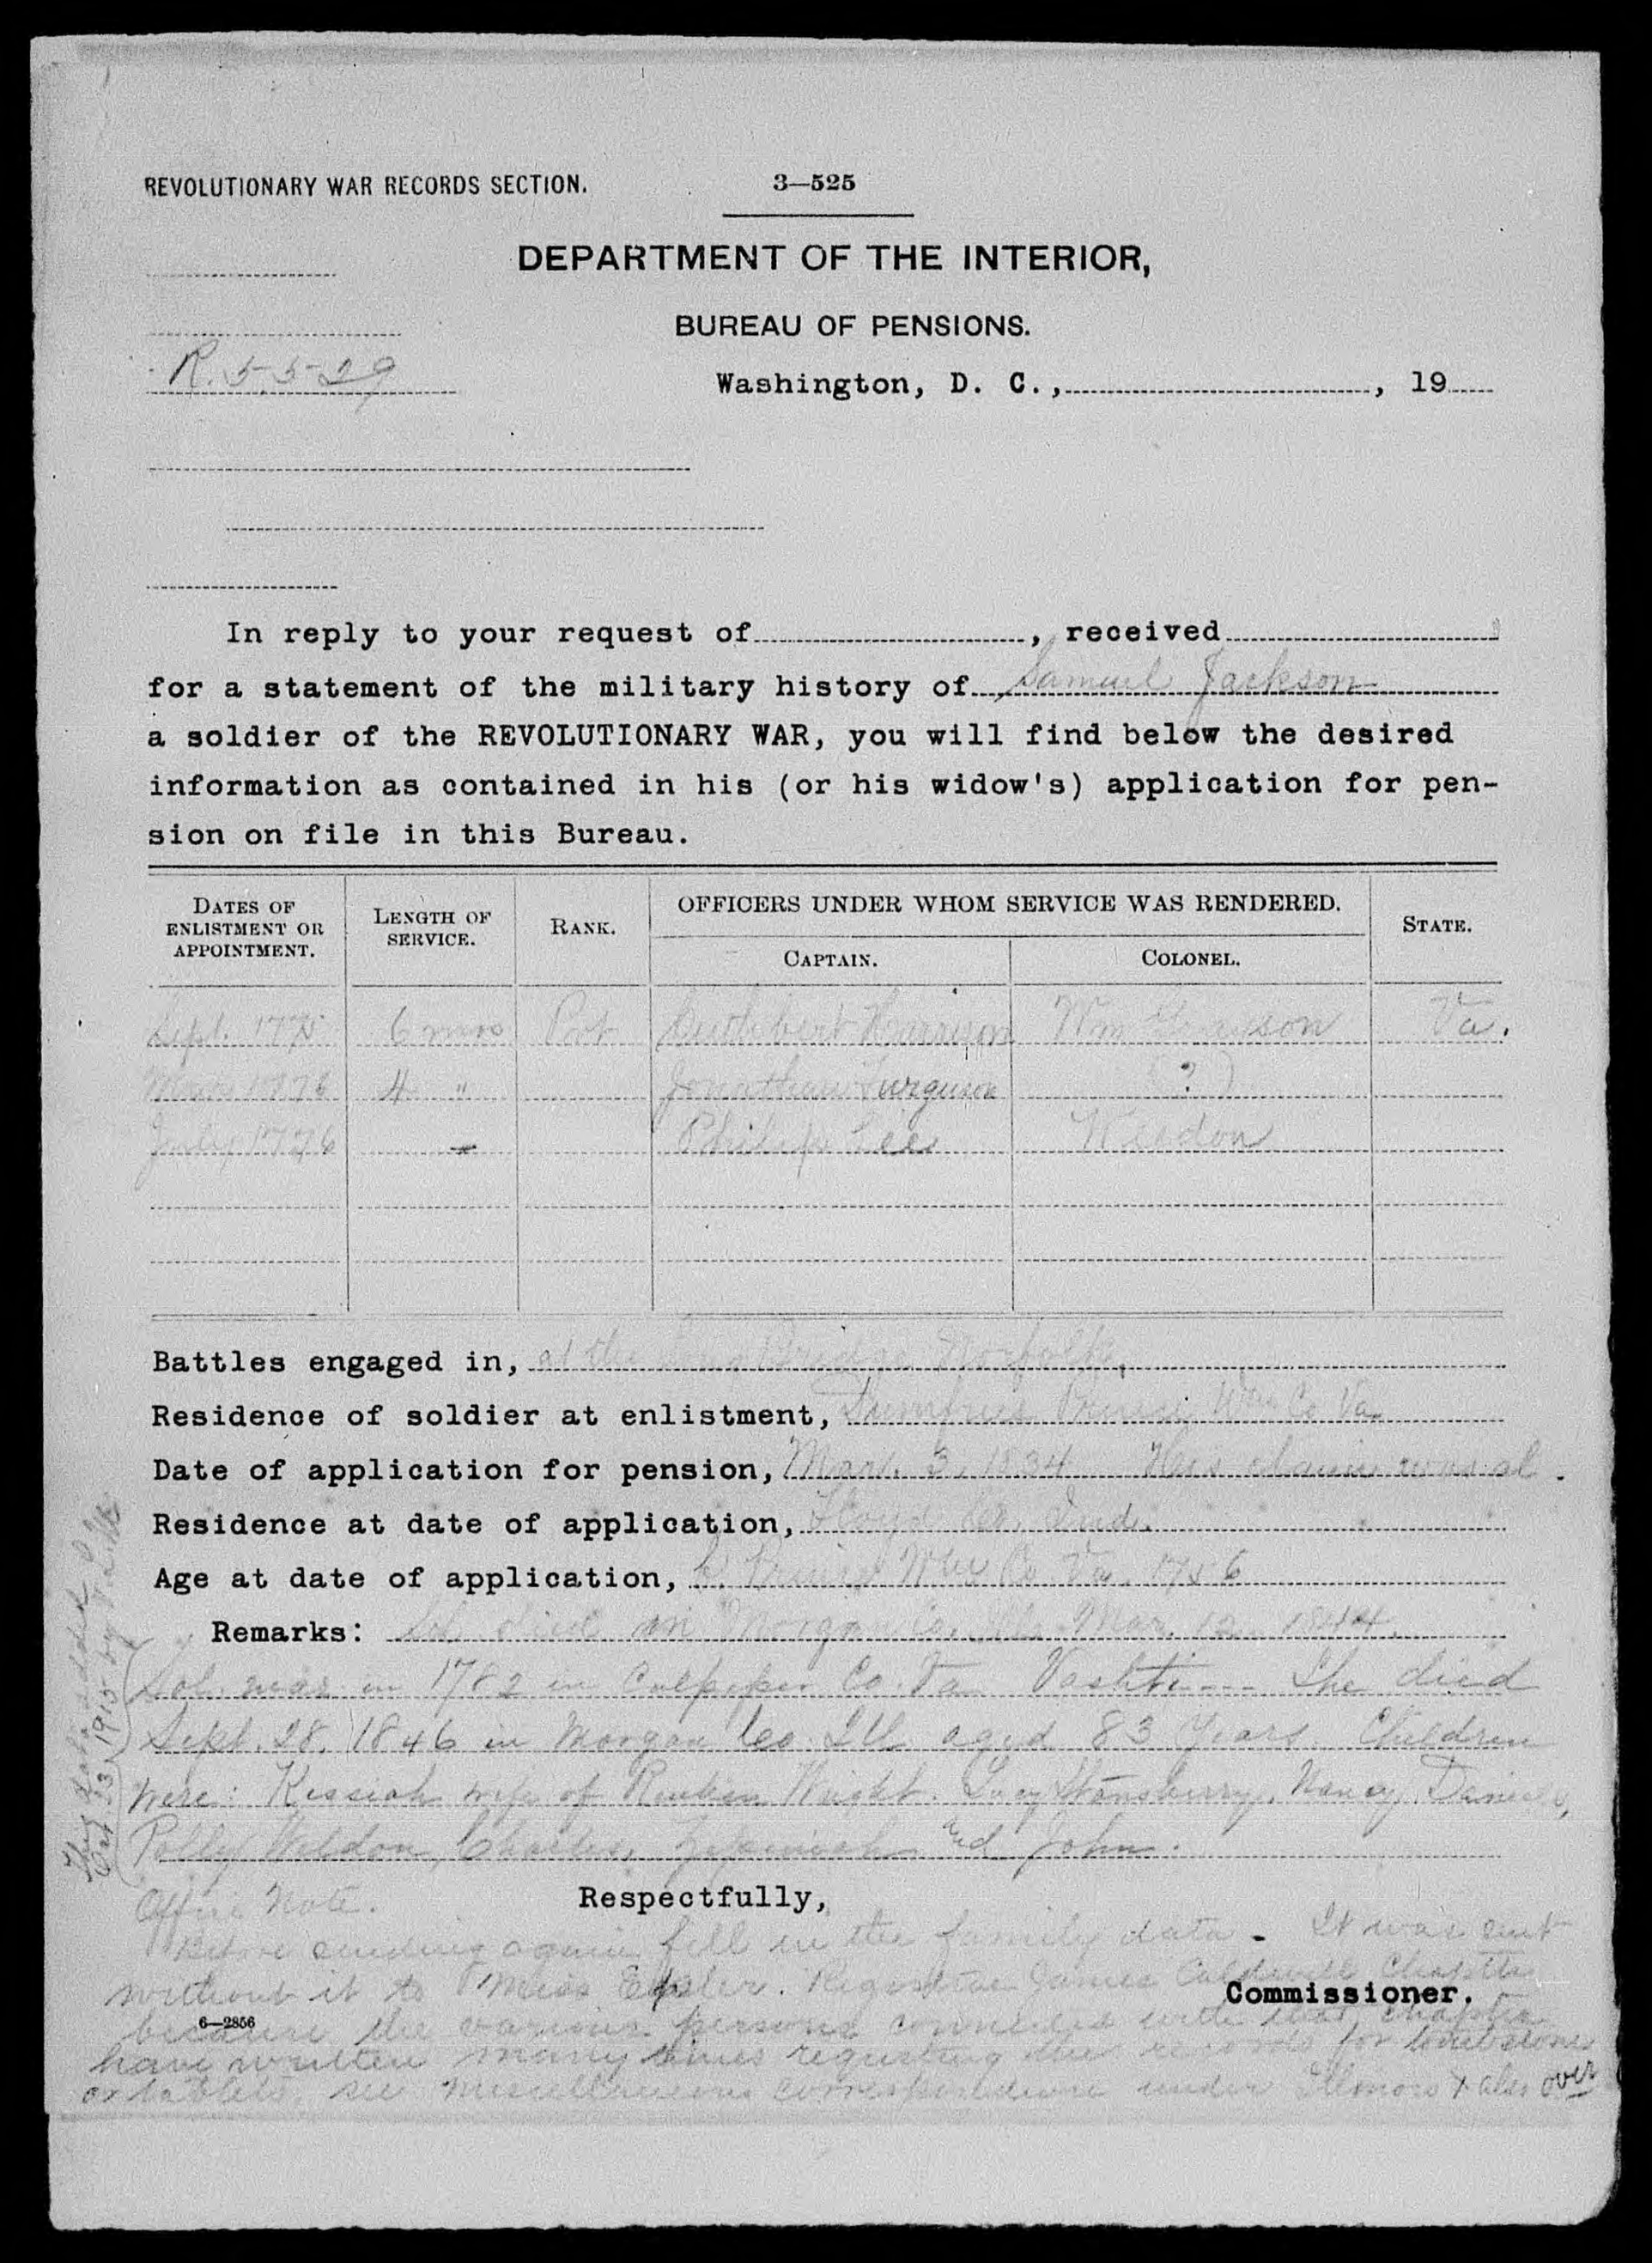REVOLUTIONARY WAR RECORDS SECTION. 3--525

DEPARTMENT OF THE INTERIOR.
BUREAU OF PENSIONS.
Washington, D. C. ____, 19__

R. 5529

In reply to your request of ____, received ____
a statement of the military history of Samuel Jackson
a soldier of the REVOLUTIONARY WAR, you will find below the desired
information as contained in his (or his widow's) application for pension
on file in this Bureau.

DATES OF ENLISTMENT OR APPOINTMENT.
Sept 1775
March 1776
July 1776

LENGTH OF SERVICE.
6 mos
4 ..
_

RANK.
Prt

OFFICERS UNDER WHOM SERVICE WAS RENDERED.
CAPTAIN.
Cuthbert Harrison
Jonathan Furguson
Philip Lee
COLONEL.
Wm Grayson
?
Weedon

STATE.
Va

Battles engaged in, at the Long Bridge Norfolk,
Residence of soldier at enlistment, Dumfries Prince Wm Co Va
Date of application for pension, Mar. 3, 1834 His claim was al.
Residence at date of application, Floyd Co. Ind.
Age at date of application, b. Prince Wm Co Va. 1856
Remarks: This data was added Oct 28 1915.  Sol died in Morgan Co. Ills Mar. 12 1844.
Job was in 1782 in Culpeper Co Va Vashti-- she died
Sept. 28, 1846 in Morgan Co Ill aged 83 years, Children
were Kessiah wife of Reuben Wright. Lucy Stansbury, Nancy Daniels
Polly Weldon, Charles, Zephaniah and John
Respectfully,
Office Note
Before sending again fill in the family data. It was sent
without it to Miss Epler.  Regist[illegible] Janice Caldwell Chapter
because the various persons connected with that chapter
have written many times requiring the records for headstones
or tablets.  see millmiscellaneous correspondence under Illinois X also over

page: 50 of 56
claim: rejected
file: R 5529, for Samuel Jackson, Virginia